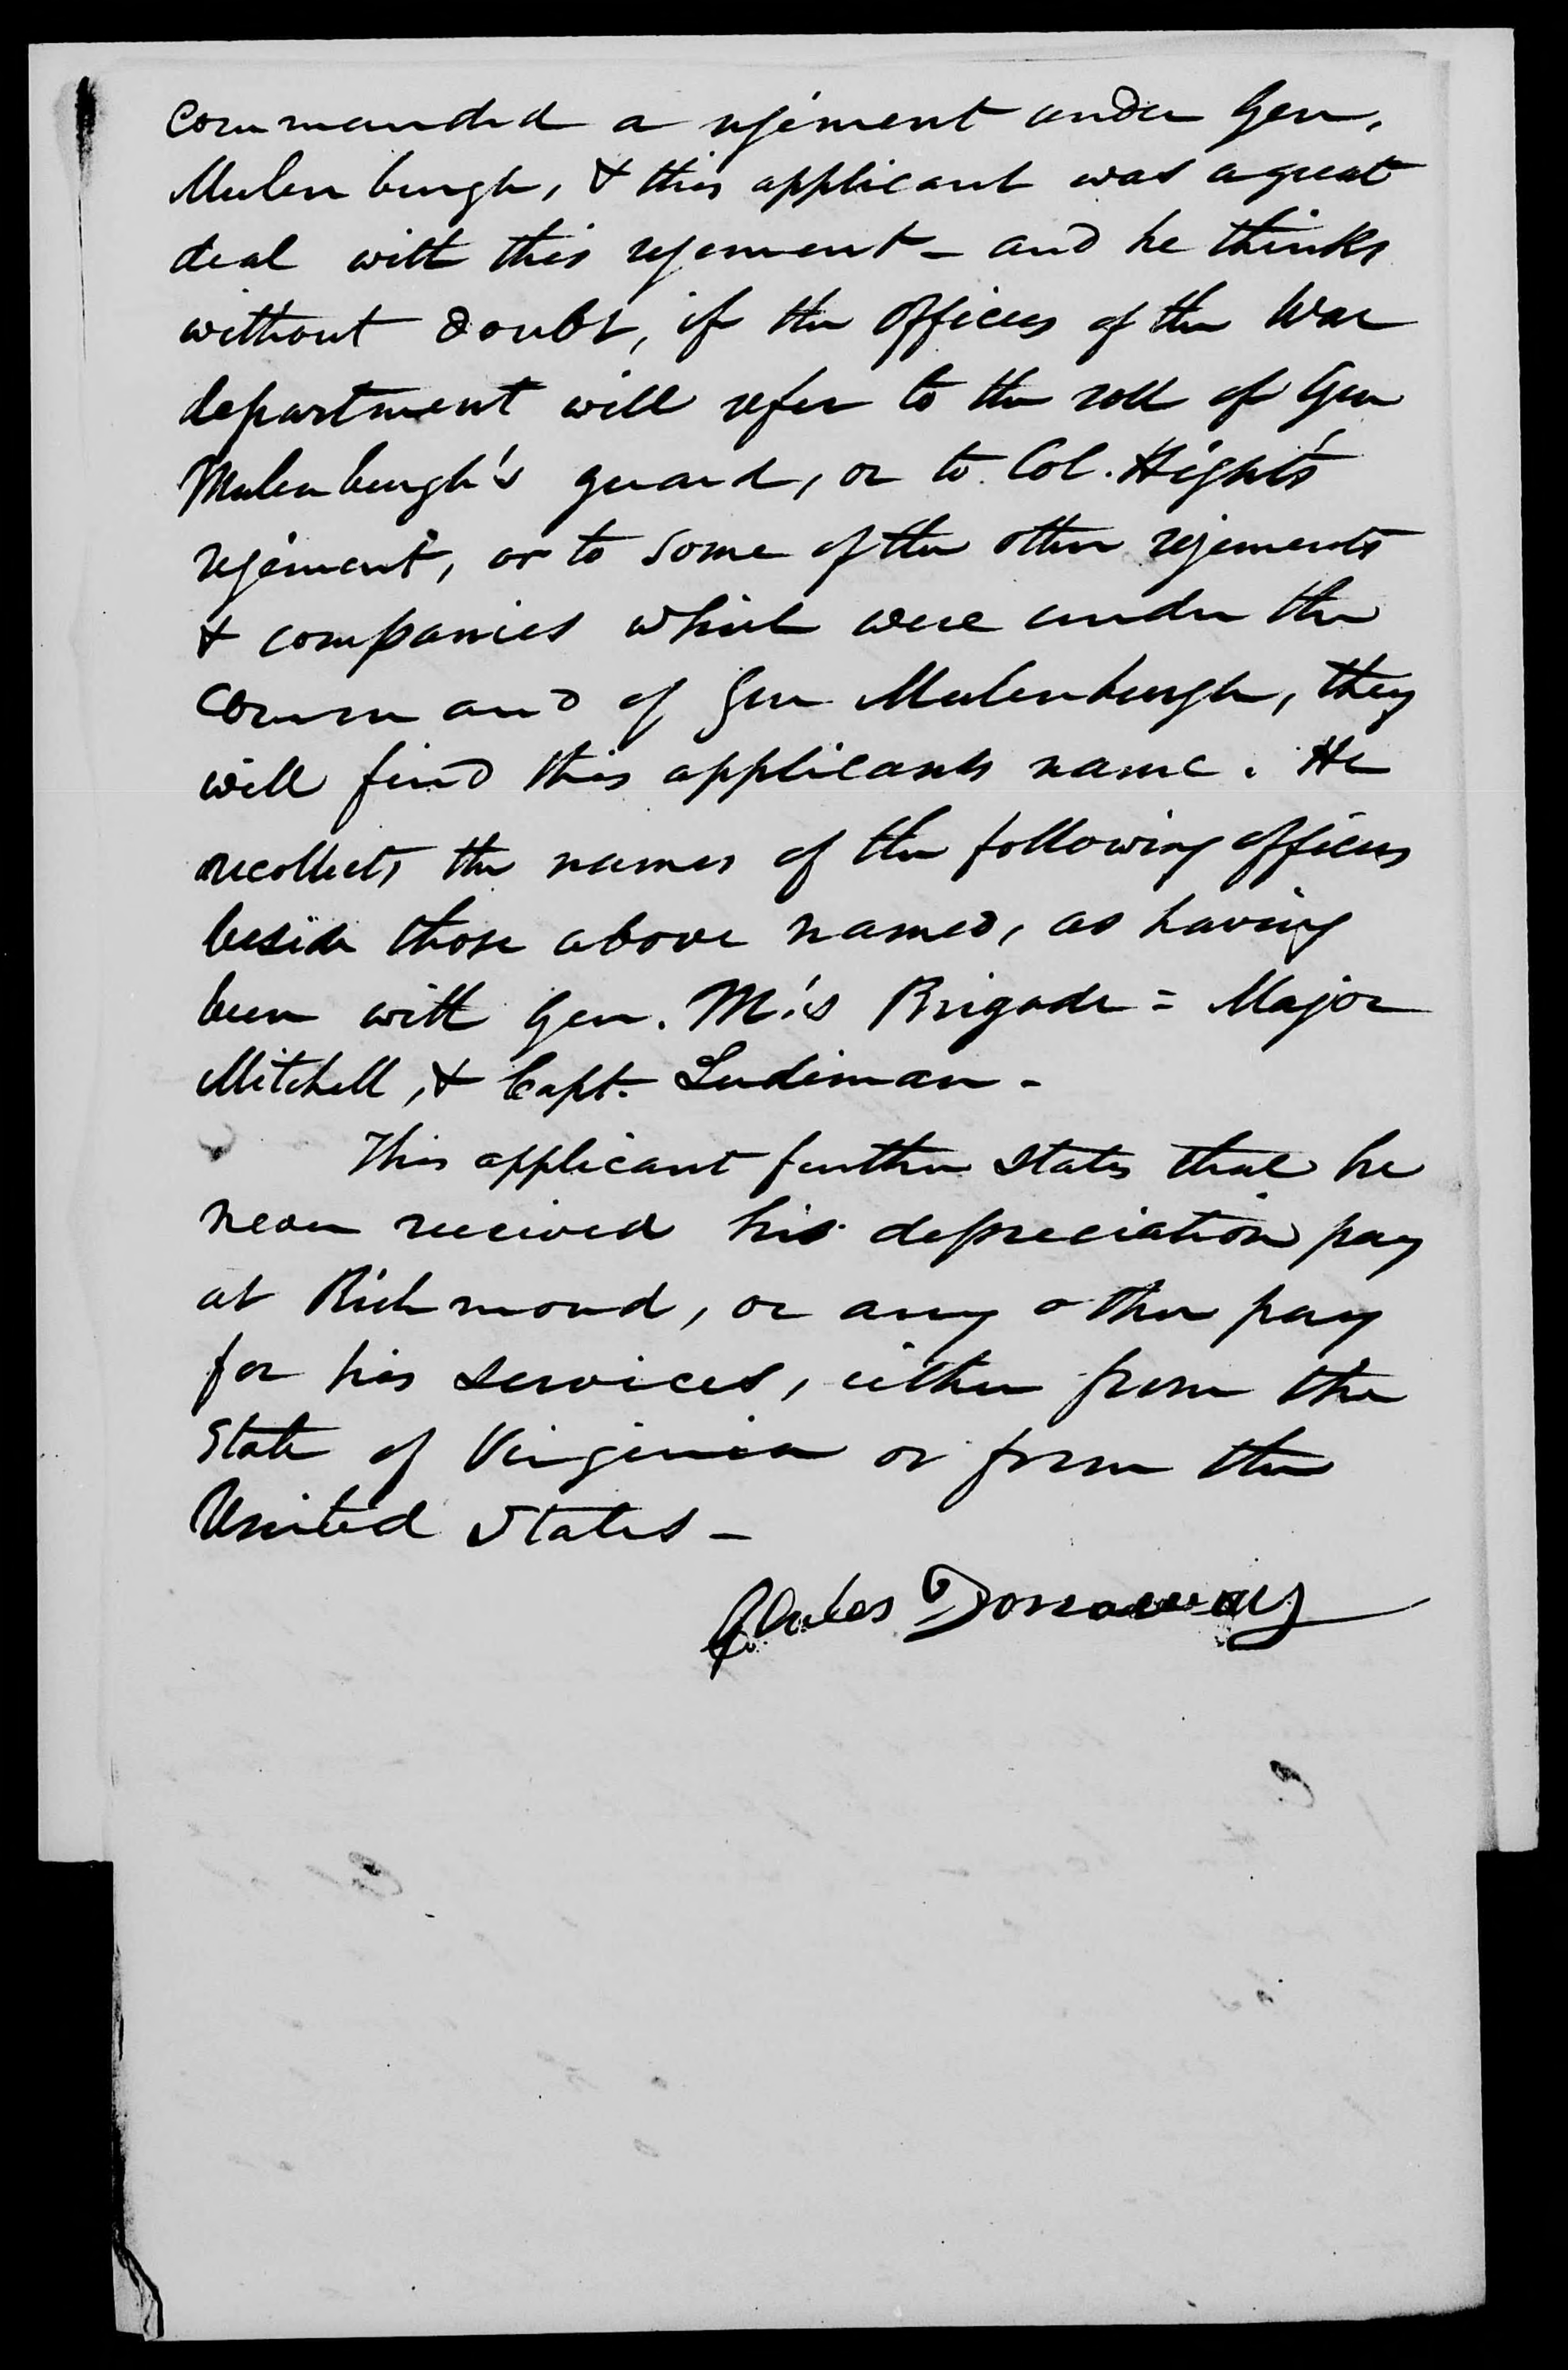Commanded a regiment under Gen. Mulenburgh, & this applicant was a great deal with this regiment - and he thinks without doubt, if the officers of the war department will refer to the roll of Gen Mulenburgh's guard, or to Col. Hight's regiment, or to some of the other regiments & companies which were under the command of Gen. Mulenburgh, they will find this applicants name. He recollects the names of the following officers besides those above named, as having been with Gen. M's Brigade = Major Mitchell, & Capt. Ludiman-
This applicant further states that he never received his depreciation pay at Richmond, or any other pay for his services, either from the State of Virginia or from the United States-
Charles Donaway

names: Ludiman, Mulenburgh, Charles Donaway, Mulenburgh, Mulenburgh, Mitchill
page: 10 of 29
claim: rejected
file: R. 3010, Charles Donaway, Va.